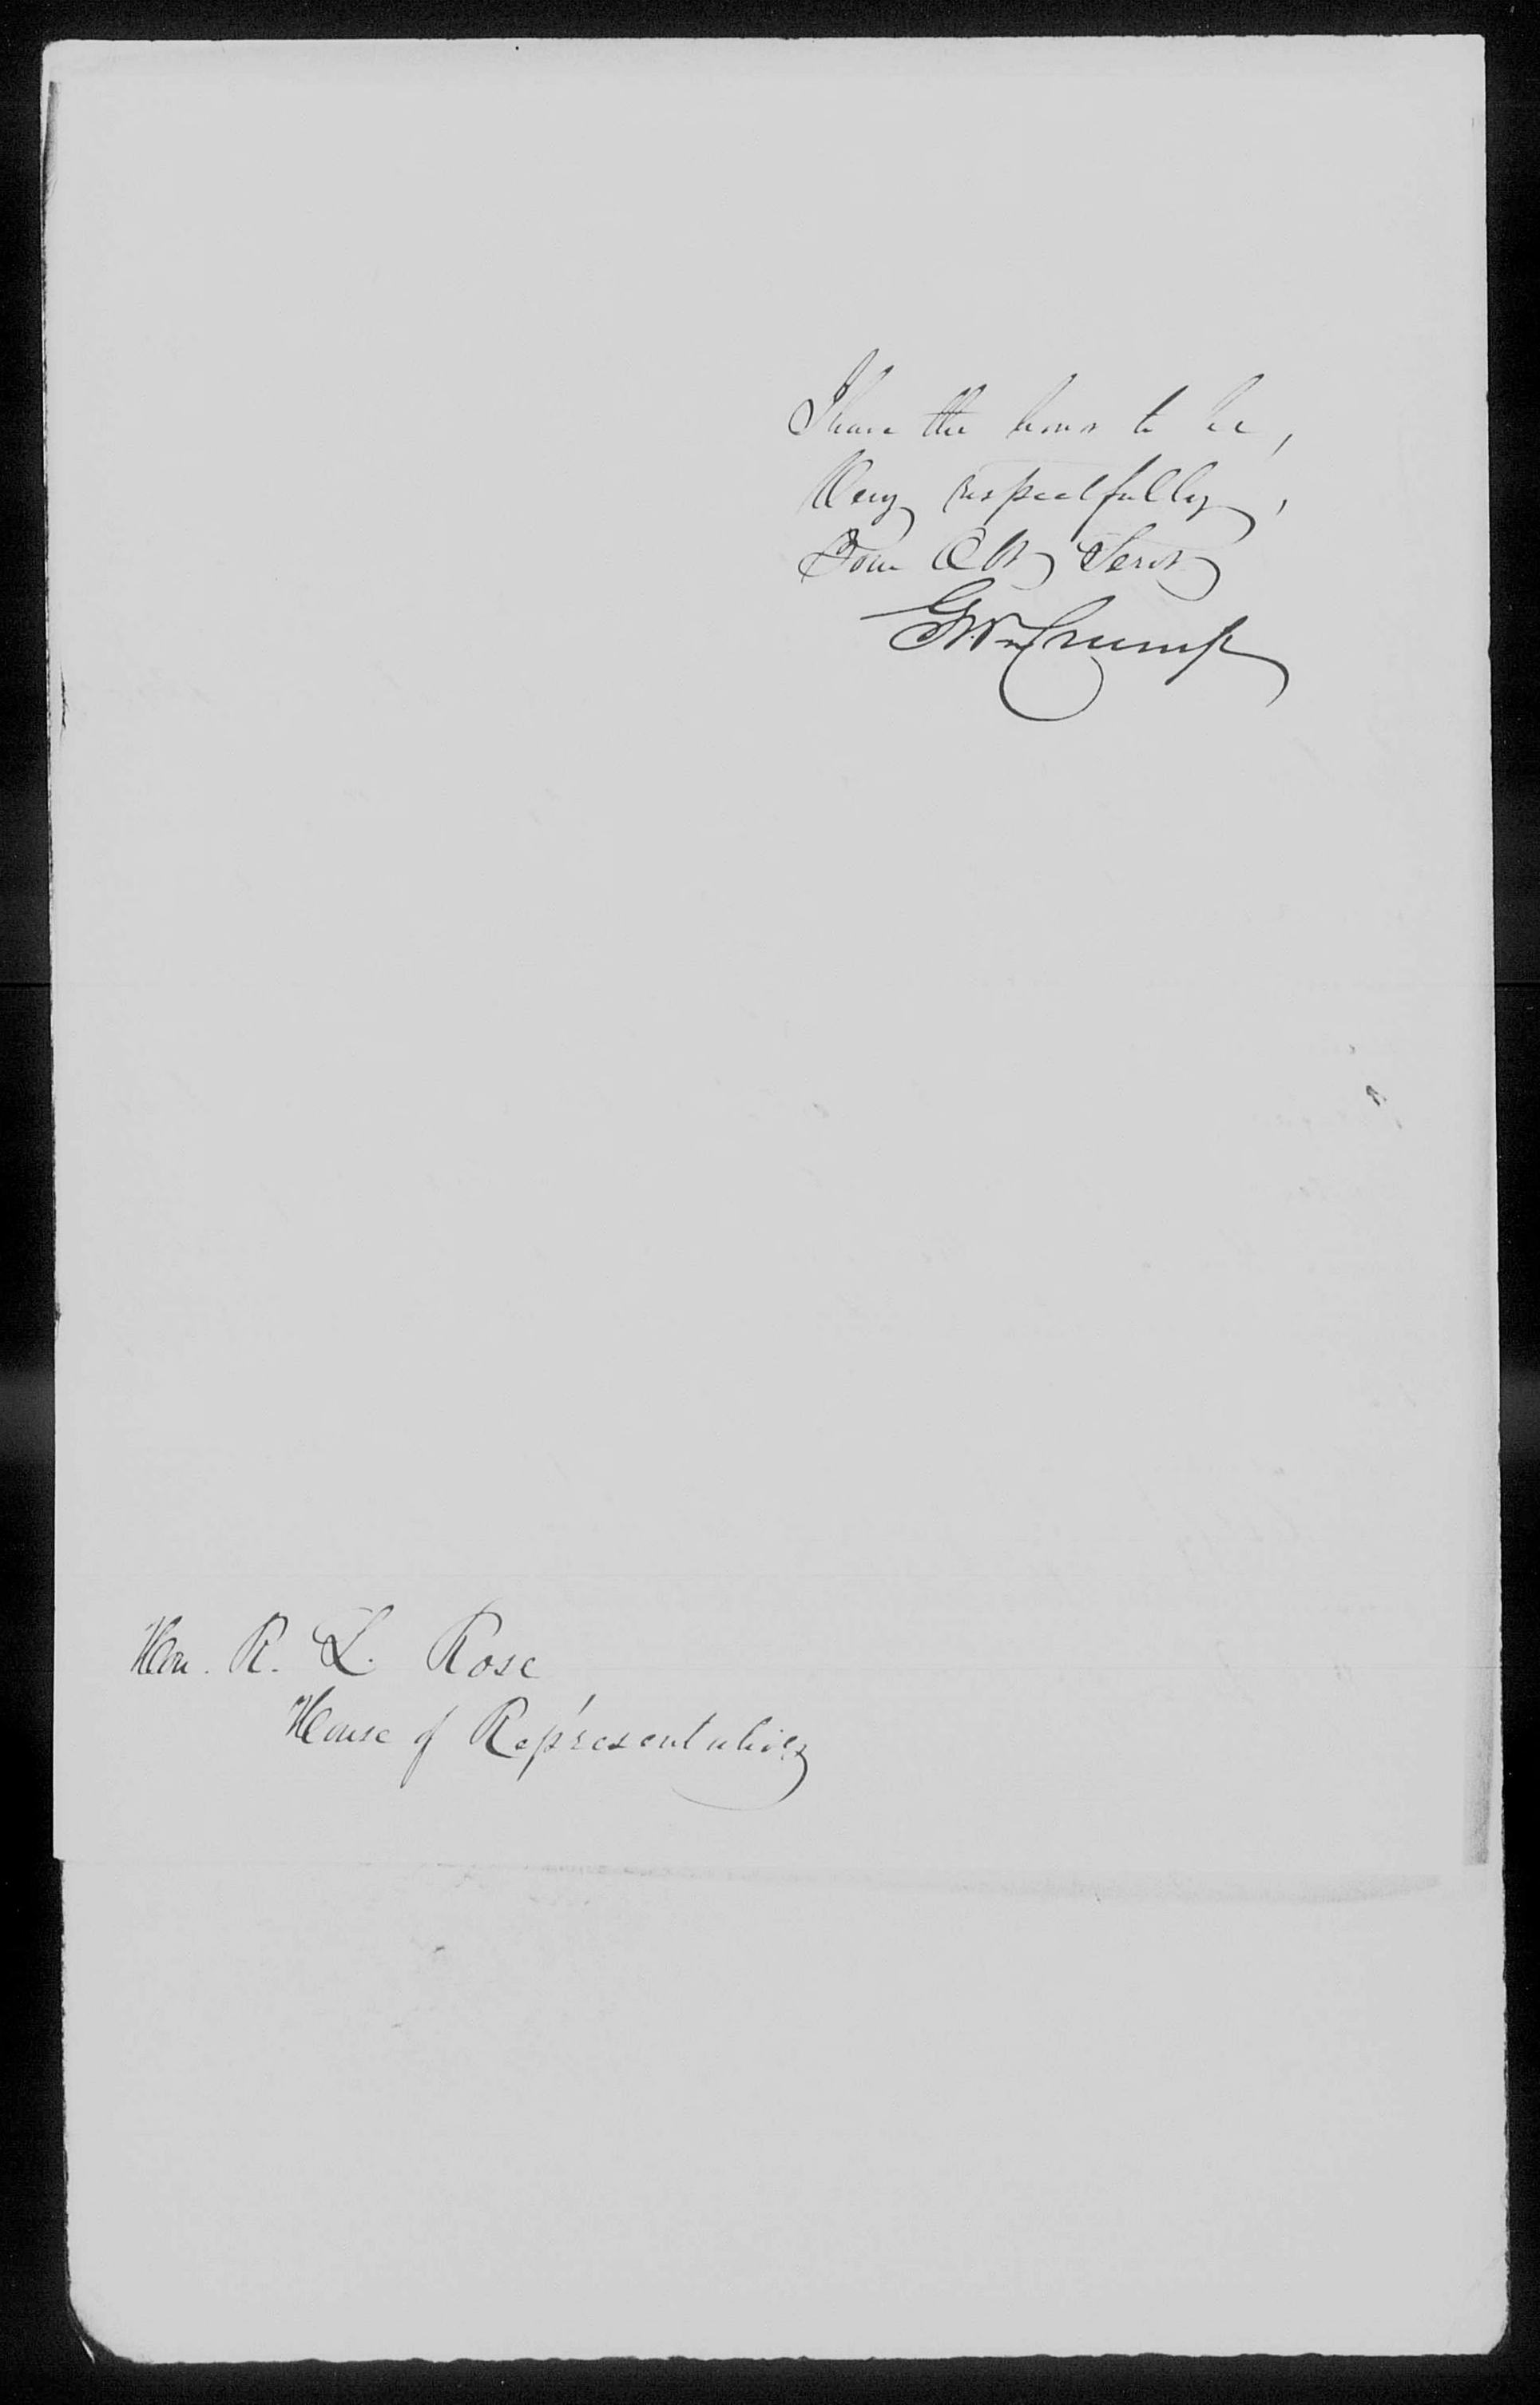I have the honor to be
Very Respectfully
Your Obt Sevt
G . W. Crump




Hon. R. L. Rose
    House of Representatives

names: R L Rose, G Wm Crump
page: 31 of 56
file: [ILLEGIBLE], Jonah Benedict, Conn.